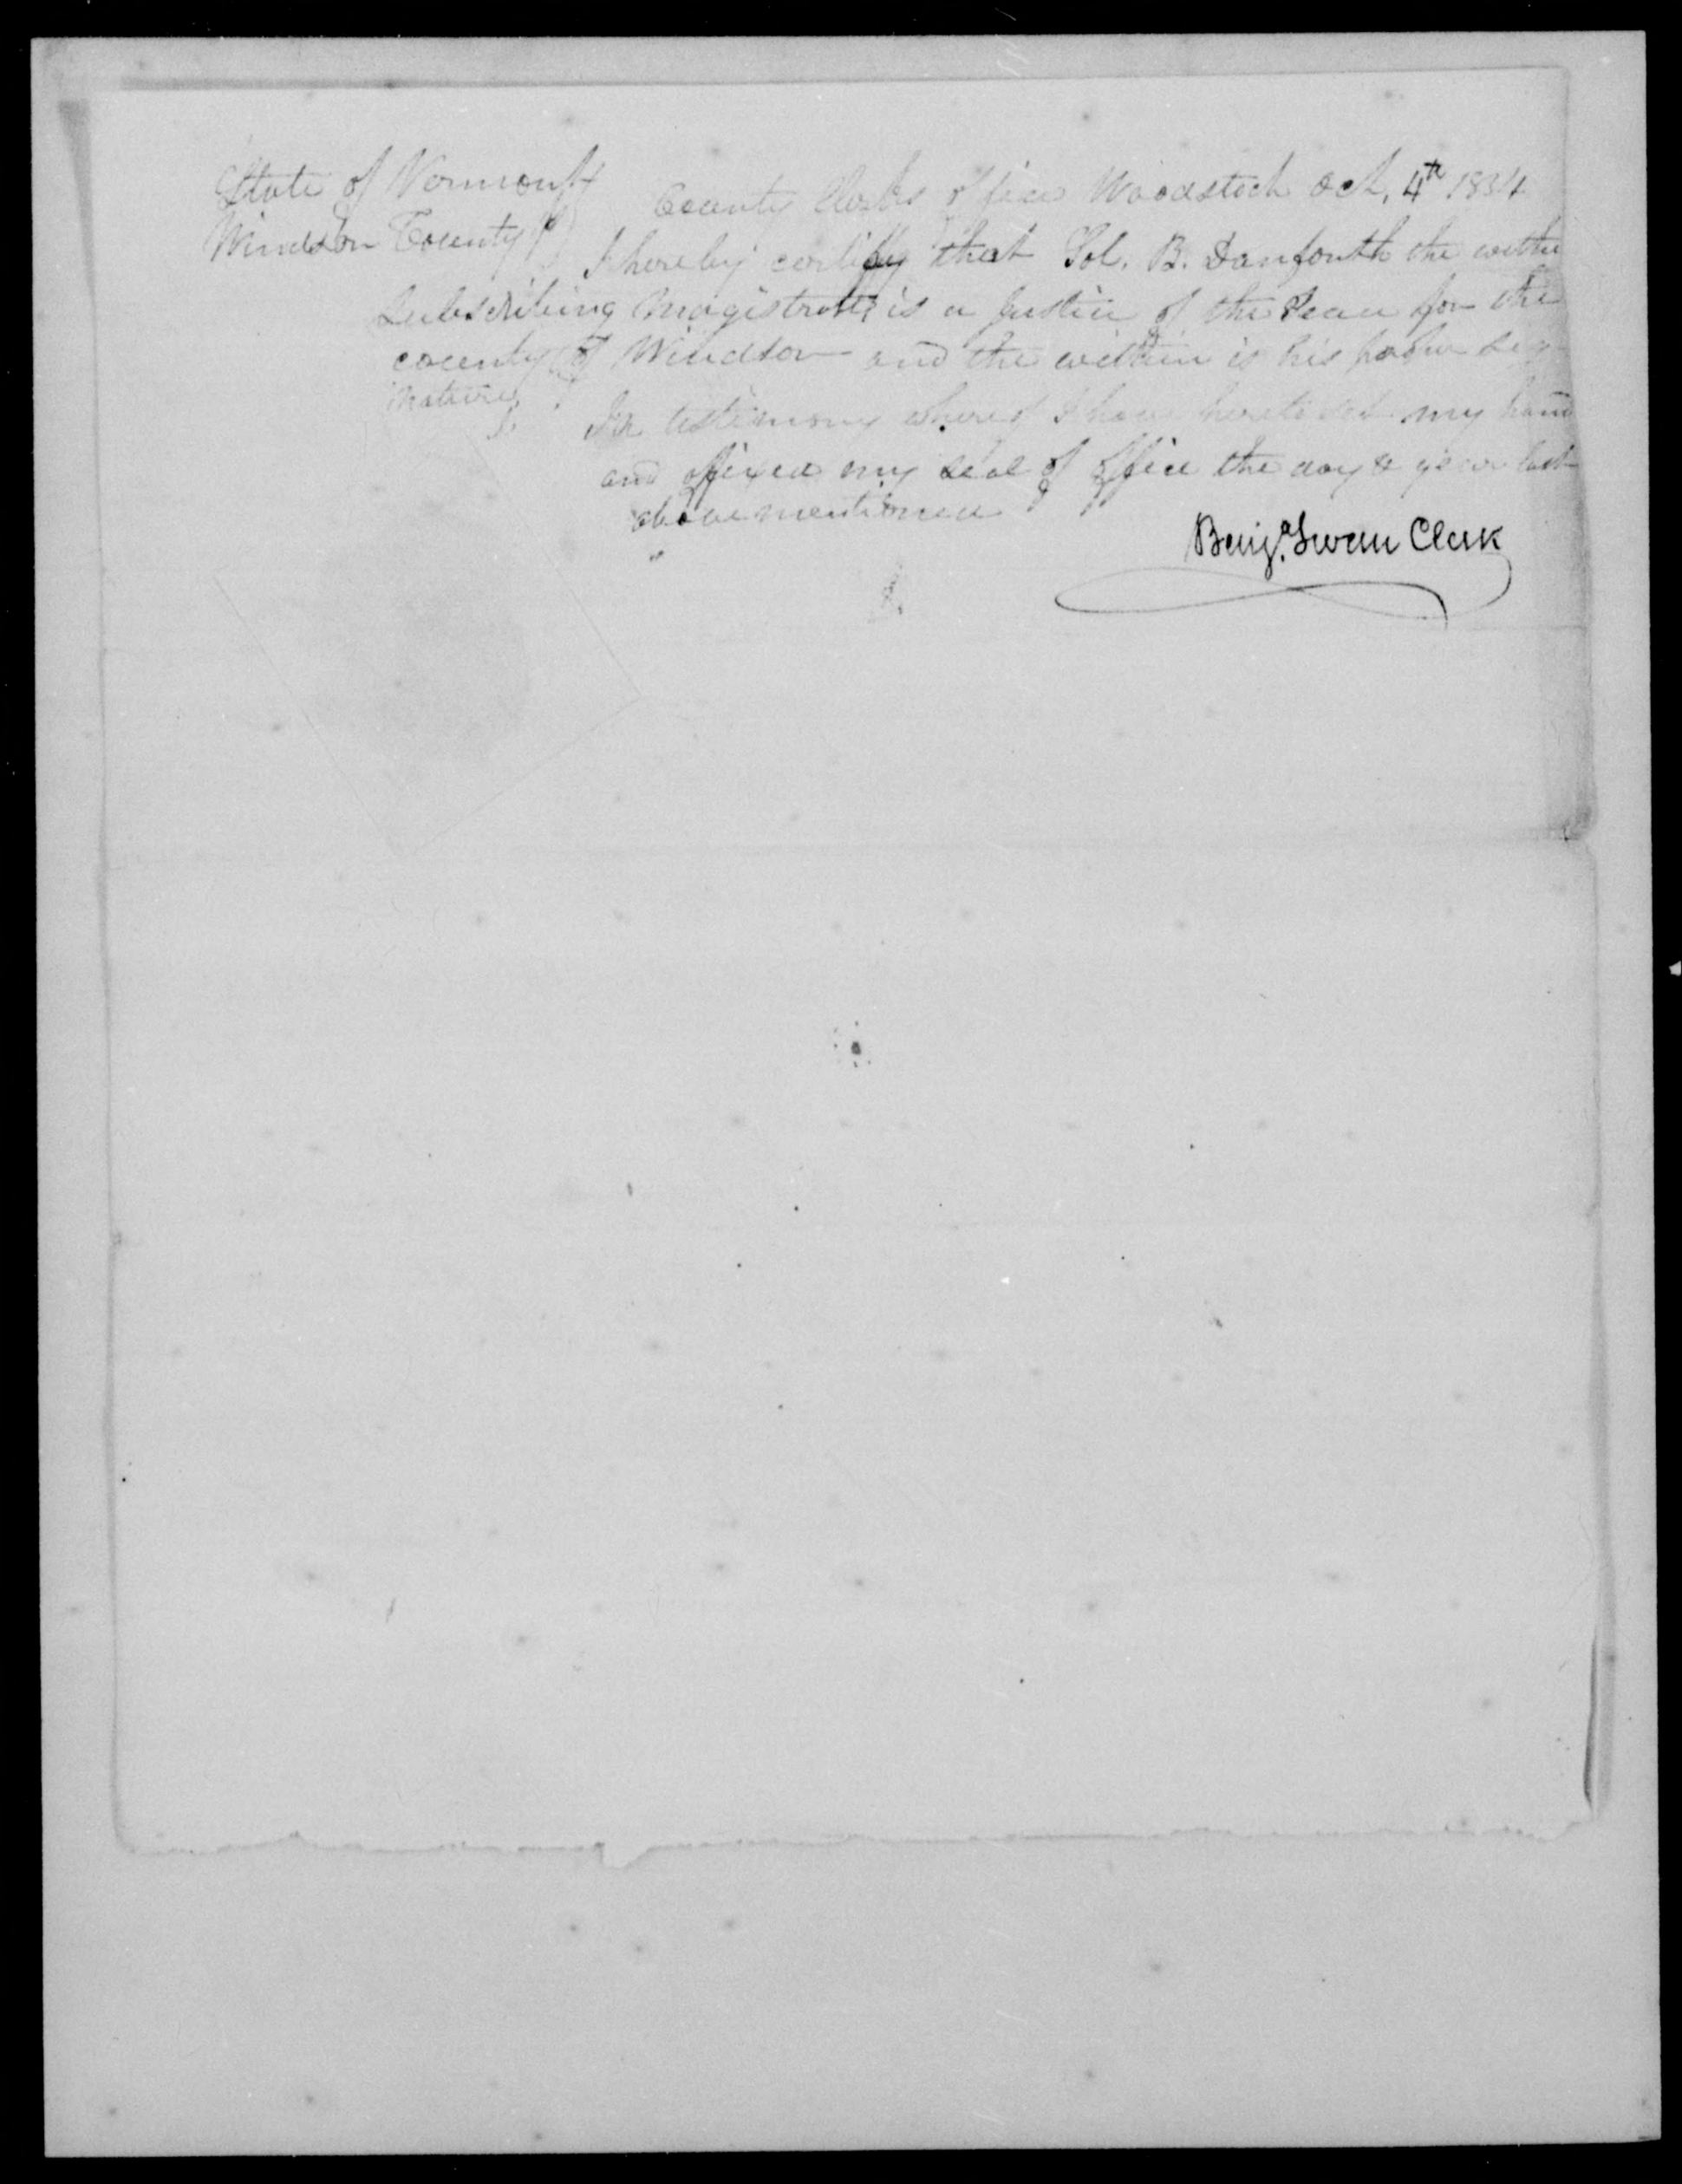I hereby certify that Jos. B. Danforth the within Subscribing Magistrate is a Justice of the Peace for the County of Windsor and the within is his further signature.

In testimony whereof I have hereto set my hand and affixed my seal of office the day and year last aforementioned

Benj Swan Clerk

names: Sol B Danforth; Benjn Swan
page: 51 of 65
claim: widow's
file: W. 7197, for Jonathan Spear, Vermont